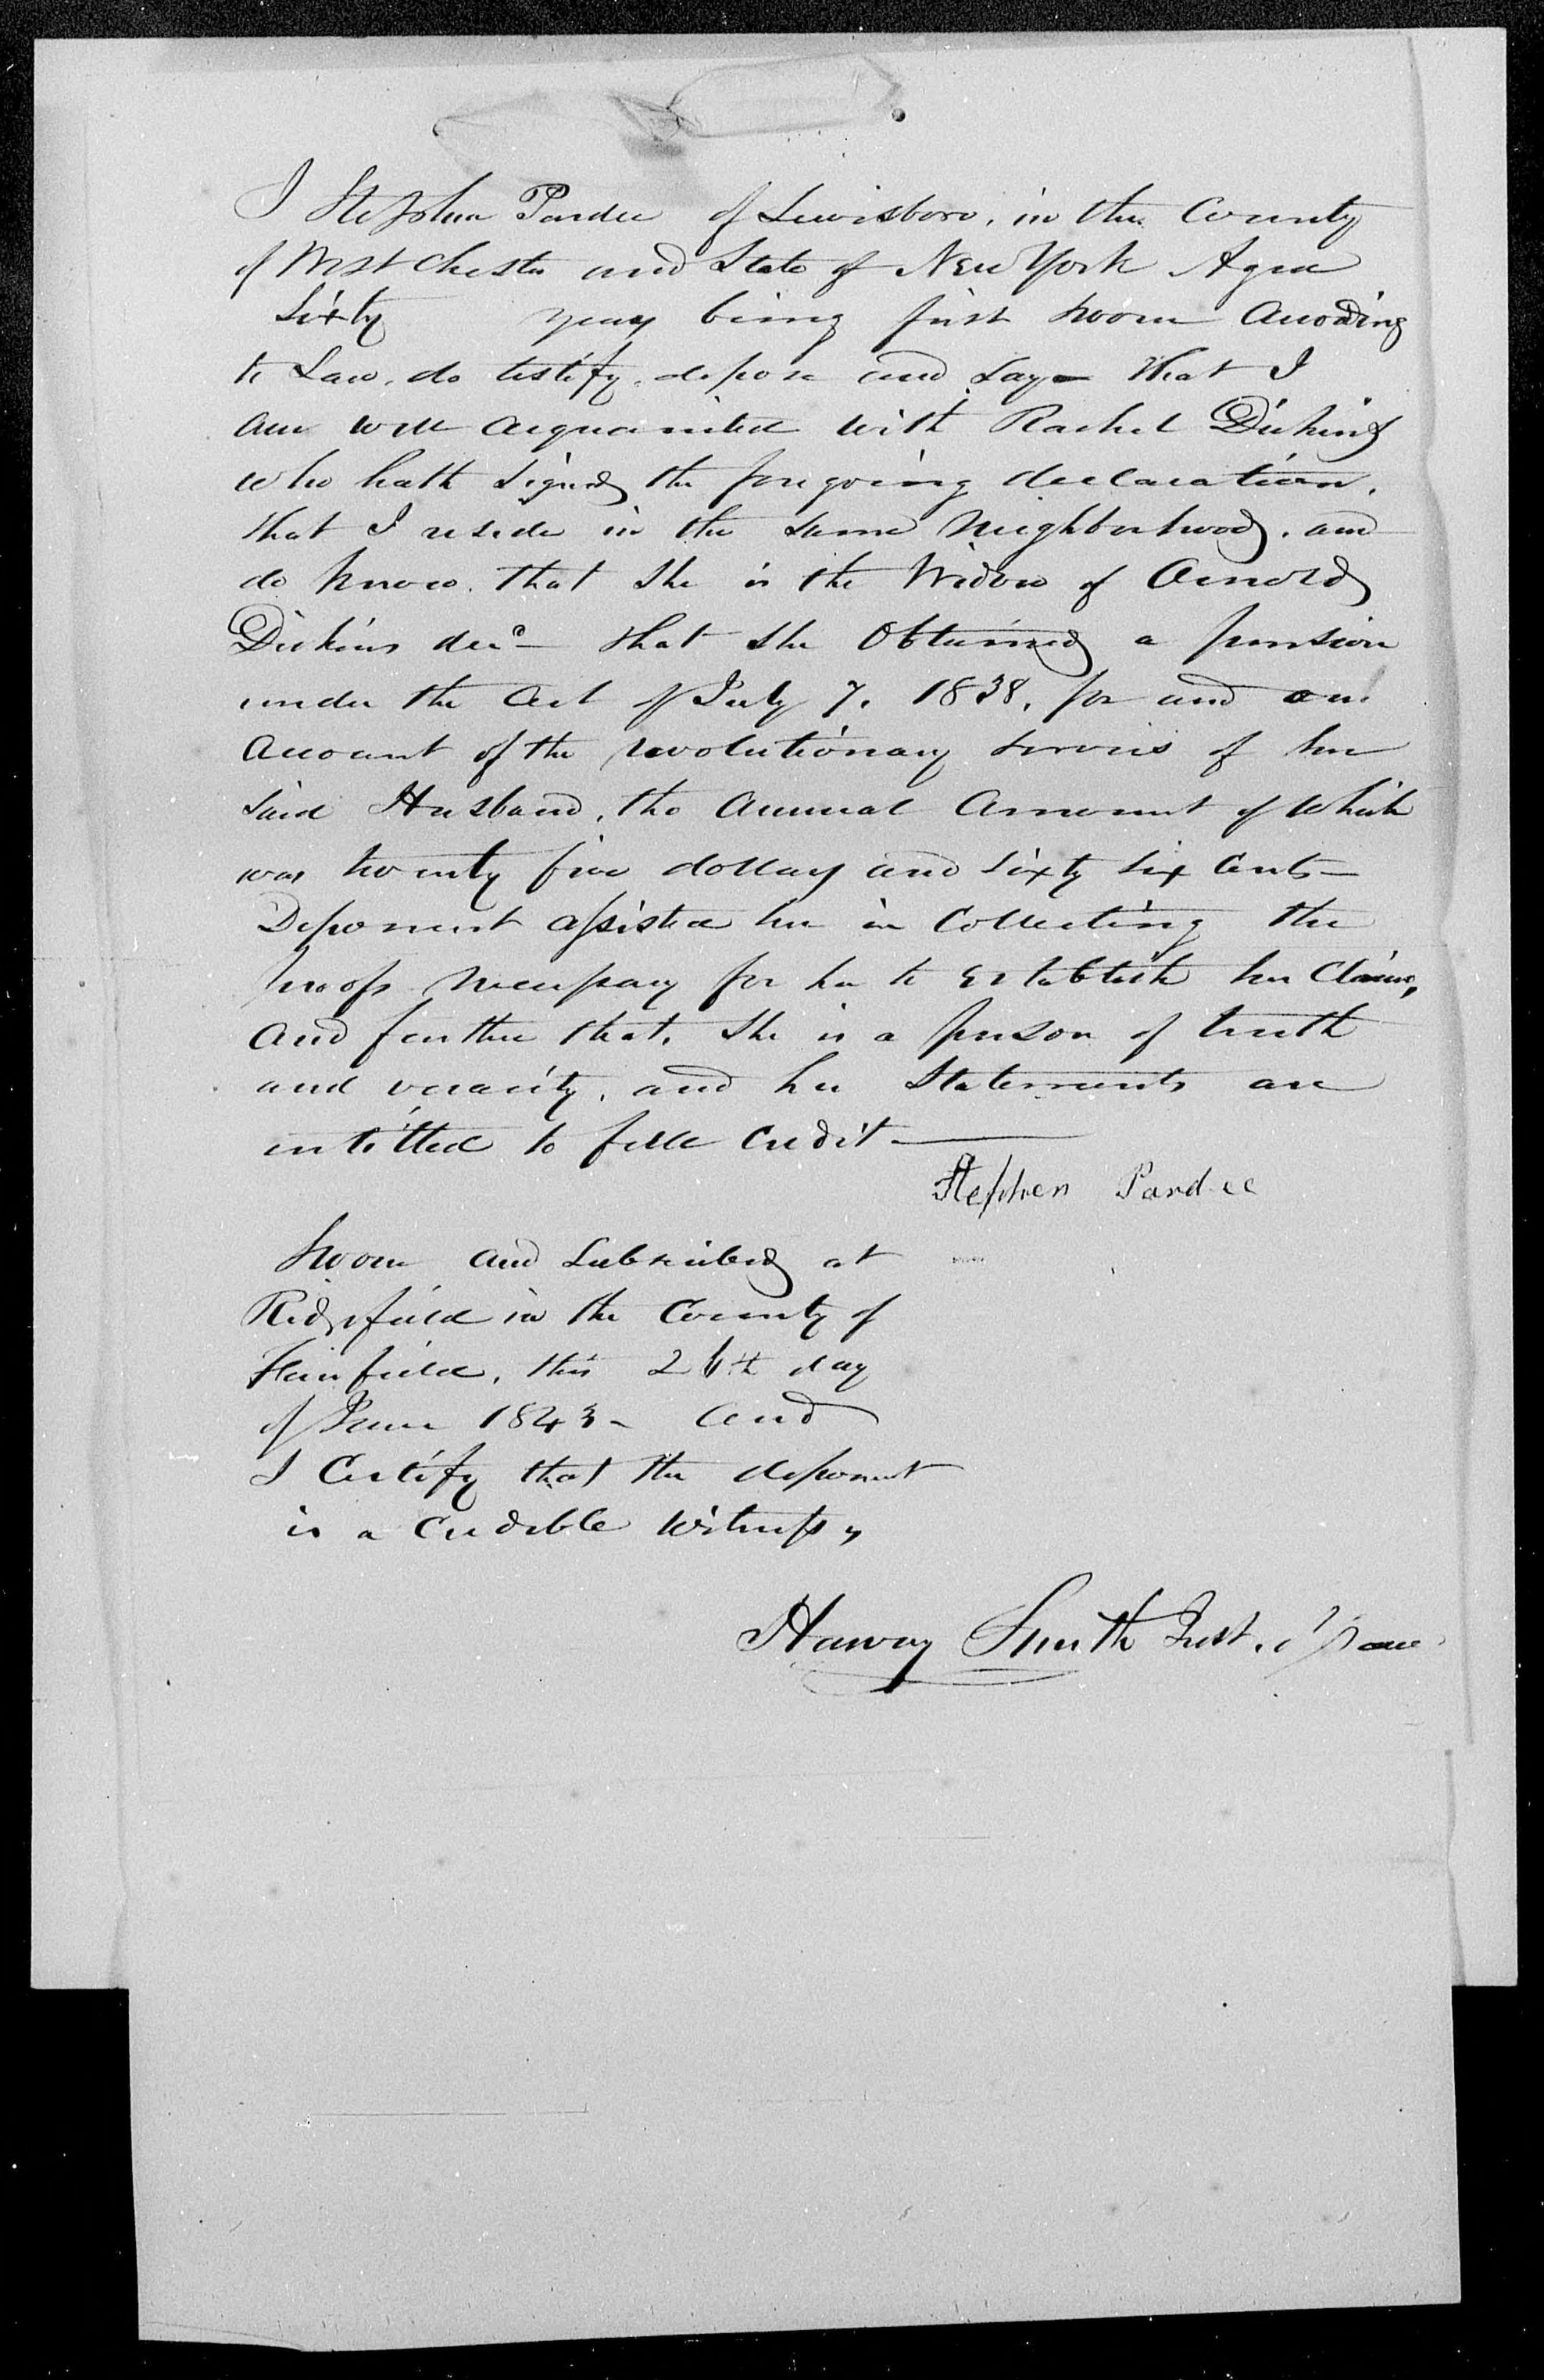I Stephen Pardee of Lewiston, in the County of West Chester and State of New York Aged Sixty years being first sworn according to Law, do testify depose and Say - That I am well acquainted with Rachel Dickins who hath signed the foregoing declaration.  That I reside in the same neighborhood.  and do know that She is the Widow of Arnold Dickins dec'd - That She obtained a pension under the Act of July 7. 1838. for and on account of the revolutionary services of her said Husband.  the Annual Amount of which was twenty five dollars and Sixty Six Cents - Deponent assisted her in collecting the proof necessary for her to establish her claim, and further that, She is a person of truth and veracity, and her Statements are intitled to full credit-
Stephen Pardee

Sworn and Subscribed at Ridgefield in the County of Fairfield, this 26th day of June 1843.  And I Certify that the deponent is a Credible Witness.
Harvey Smith Just. of peace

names: Stephen Pardee, Stephen Pardee, Harvey Smith, Arnold Dickins, Rachel Dickins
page: 17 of 29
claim: widow's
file: W. 17720, Arnold Dickens, New York